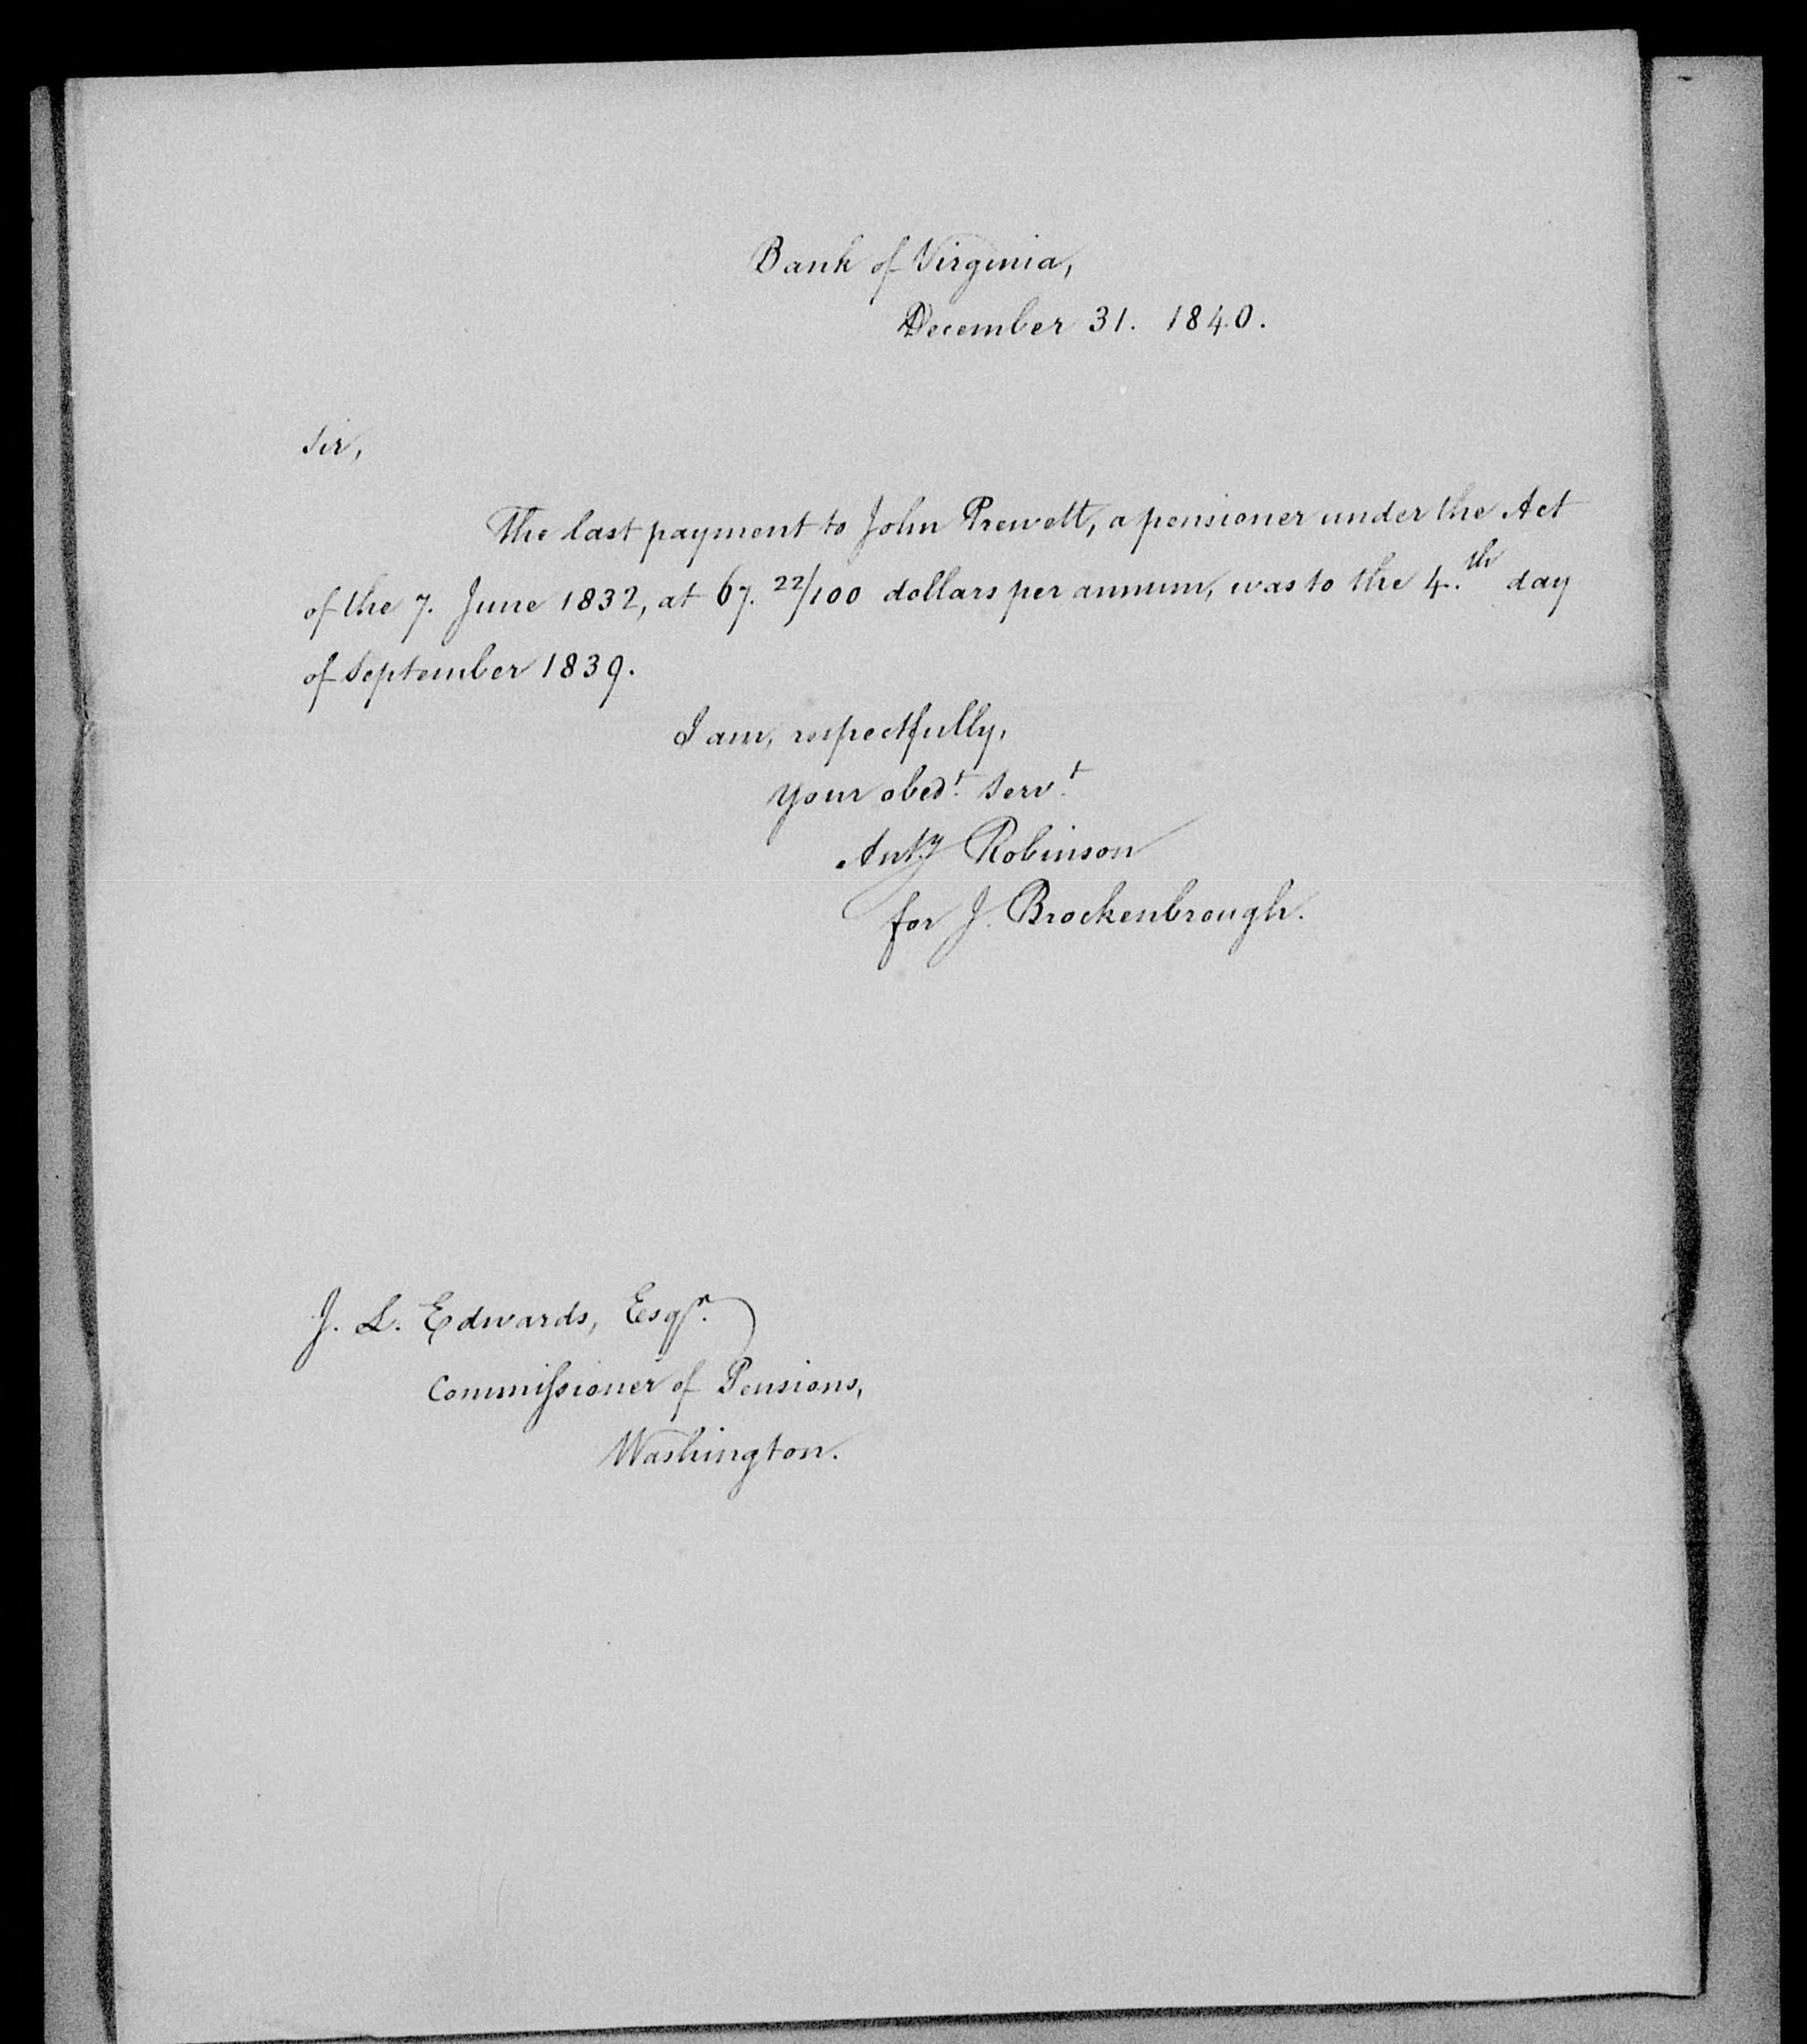Bank of Virginia,
December 31, 1840.

Sir,
The last payment to John Prewett, a pensioner under the Act of the 7. June 1832, at 67.22/100 dollars per annum, was to the 4th. day of September 1839.
I am, respectfully,
Your obedt. Servt.
Anty Robinson
for J. Brockenbrough

J. L. Edwards, Esqr.
Commissioner of Pensions,
Washington.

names: Anty Robinson; J Brockenbrough; J L Edwards; John Prewett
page: 25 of 35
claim: survivor's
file: S. 30,665, for John Prewett, Virginia